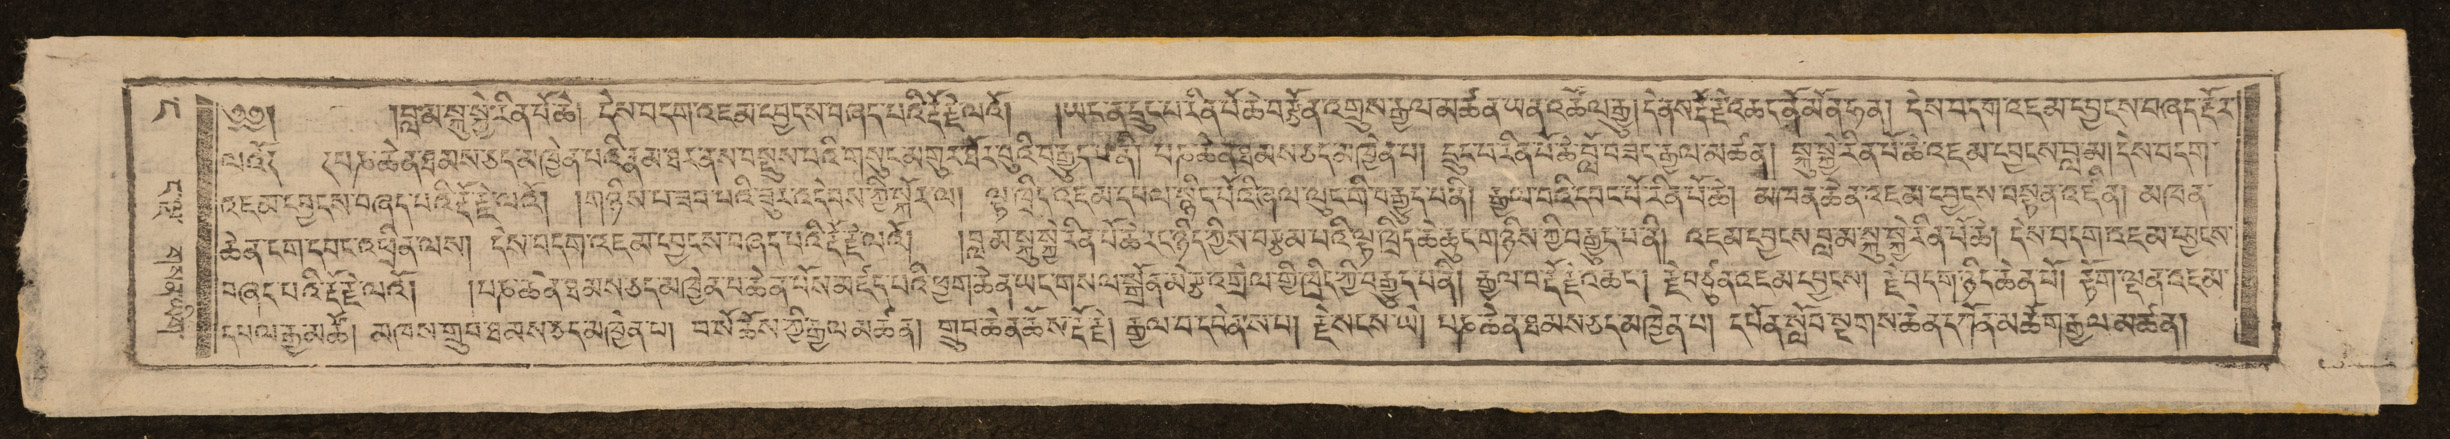༄༅། །བླ་མ་སྐུ་སྐྱེ་རིན་པོ་ཆེ། དེས་བདག་འཇམ་དབྱངས་བཞད་པའི་རྡོ་རྗེ་ལའོ། །ཡང་ན་དྲུང་པ་རིན་པོ་ཆེ་བརྩོན་འགྲུས་རྒྱལ་མཚན་ཡན་འཚོལ་རྒྱུ། དེ་ནས་རྡོ་རྗེ་འཆང་ནོ་མོན་ཧ་ན། དེས་བདག་འཇམ་དབྱངས་བཞད་རྡོར་
ལའོ༑ ༑པཎ་ཆེན་ཐམས་ཅད་མཁྱེན་པའི་རྣམ་ཐར་ནས་བསྡུས་པའི་གསུང་མགུར་ཐོར་བུའི་བརྒྱུད་པ་ནི། པཎ་ཆེན་ཐམས་ཅད་མཁྱེན་པ། དྲུང་པ་རིན་པོ་ཆེ་བློ་བཟང་རྒྱལ་མཚན། སྐུ་སྐྱེ་རིན་པོ་ཆེ་འཇམ་དབྱངས་བླ་མ། དེས་བདག་
འཇམ་དབྱངས་བཞད་པའི་རྡོ་རྗེ་ལའོ། །གཉིས་པ་ཟབ་པའི་ཟུར་འདེབས་ཀྱི་སྐོར་ལ། ལྟ་ཁྲིད་འཇམ་དཔལ་སྙིང་པོའི་ཞལ་ལུང་གི་བརྒྱུད་པ་ནི། རྒྱལ་བའི་དབང་པོ་རིན་པོ་ཆེ། མཁན་ཆེན་འཇམ་དབྱངས་བསྟན་འཛིན། མཁན་
ཆེན་ངག་དང་འཕྲིན་ལས། དེས་བདག་འཇམ་དབྱངས་བཞད་པའི་རྡོ་རྗེ་ལའོ། །བླ་མ་སྐུ་སྐྱེ་རིན་པོ་ཆེ་རང་ཉིད་ཀྱིས་བརྩམ་པའི་ལྟ་ཁྲིད་ཆེ་ཆུང་གཉིས་ཀྱི་བརྒྱུད་པ་ནི། འཇམ་དབྱངས་བླ་མ་སྐུ་སྐྱེ་རིན་པོ་ཆེ། དེས་བདག་འཇམ་དབྱངས་
བཞད་པའི་རྡོ་རྗེ་ལའོ། །པཎ་ཆེན་ཐམས་ཅད་མཁྱེན་པ་ཆེན་པོས་མཛད་པའི་ཕྱག་ཆེན་ཡང་གསལ་སྒྲོན་མེ་རྩ་འགྲེལ་གྱི་ཁྲིད་ཀྱི་བརྒྱུད་པ་ནི། རྒྱལ་པ་རྡོ་རྗེ་འཆང་། རྗེ་བཙུན་འཇམ་དབྱངས། རྗེ་བདག་ཉིད་ཆེན་པོ། རྟོག་ལྡན་འཇམ་
དཔལ་རྒྱ་མཚོ། མཁས་གྲུབ་ཐམས་ཅད་མཁྱེན་པ། བ་སོ་ཆོས་ཀྱི་རྒྱལ་མཚན། གྲུབ་ཆེན་ཆོས་རྡོ་རྗེ། རྒྱལ་བ་བདེན་ས་པ། རྗེ་སངས་ཡེ། པཎ་ཆེན་ཐམས་ཅད་མཁྱེན་པ། དཔོན་སློབ་སྔགས་ཆེན་དཀོན་མཆོག་རྒྱལ་མཚན།